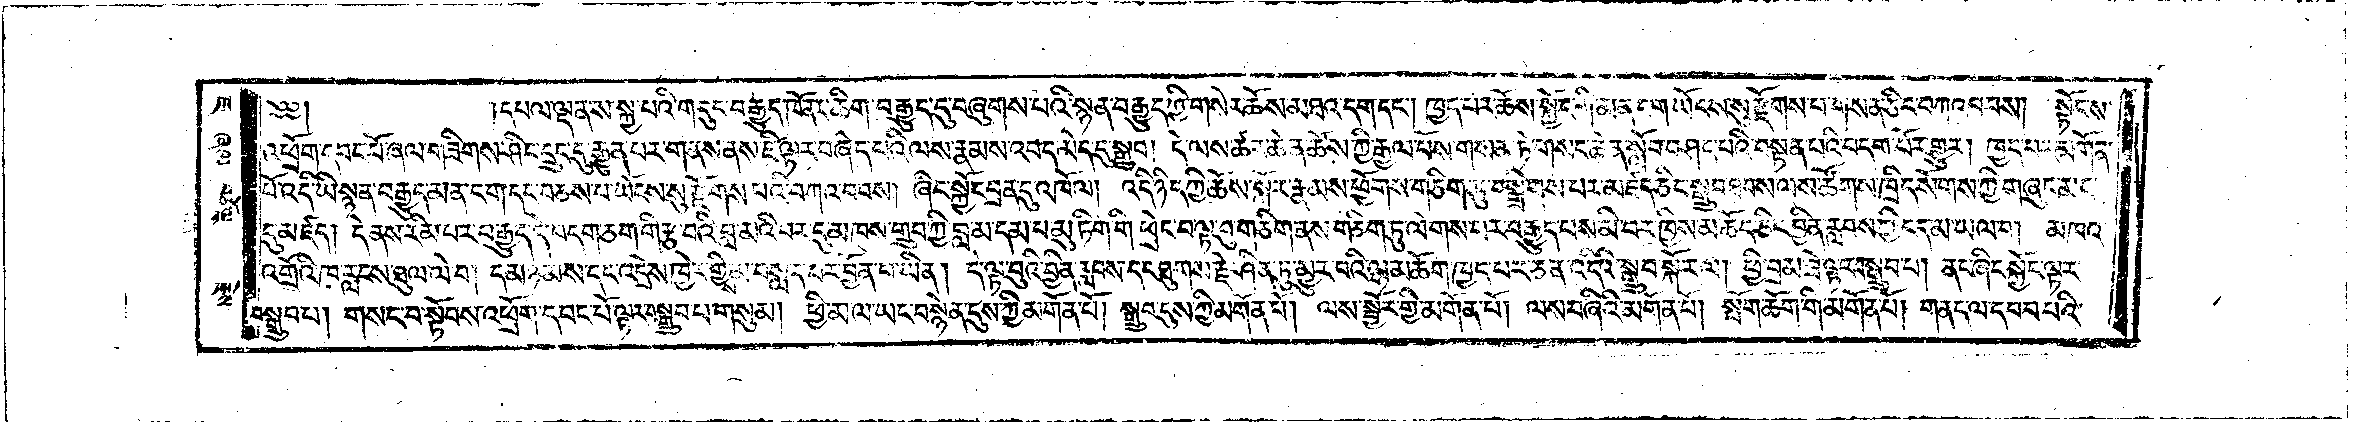༄༅། །དཔལ་ལྡན་ས་སྐྱ་པའི་གདུང་བརྒྱུད་ཁོ་ནར་ཆིག་བརྒྱུད་དུ་བཞུགས་པའི་སྙན་བརྒྱུད་ཀྱི་གསེར་ཆོས་མཐའ་དག་དང་། ཁྱད་པར་ཆོས་སྐྱོང་གི་མན་ངག་ཡོངས་སུ་རྫོགས་པ་གསན་ཅིང་བཀའ་བ་བས། སྟོབས་
འཕྲོག་དབང་པོ་ཞལ་གཟིགས་ཤིང་དྲུང་དུ་རྒྱུན་པར་གནས་ནས་ཇི་ལྟར་བཞེད་པའི་ལས་རྣམས་འབད་མེད་དུ་སྒྲུབ། དེ་ལས་ཚར་ཆེན་ཆོས་ཀྱི་རྒྱལ་པོས་གསན་ཏེ་གསང་ཆེན་སློབ་བཤད་པའི་བསྟན་པའི་བདག་པོར་གྱུར། ཁྱད་པར་མགོན་
པོ་འདི་ཡི་སྙན་བརྒྱུད་མན་ངག་དང་བཅས་པ་ཡོངས་སུ་རྫོགས་པའི་བཀའ་བབས། ཞིང་སྐྱོང་བྲན་དུ་འཁོལ། འདི་ཉིད་ཀྱི་ཆོས་སྐོར་རྣམས་ཕྱོགས་གཅིག་ཏུ་བསྒྲིགས་པར་མཛད་ཅིང་སྒྲུབ་ཐབས་ལས་ཚོགས་ཁྲིད་སོགས་ཀྱི་གཞུང་མང་
དུ་མཛད། དེ་ནས་རིམ་པར་བརྒྱུད་དེ་བདག་ཅག་གི་རྩ་བའི་བླ་མའི་བར་དུ་མཁས་གྲུབ་ཀྱི་བླ་མ་དམ་པ་མུ་ཏིག་གི་ཕྲེང་བ་ལྟ་བུ་གཅིག་ནས་གཅིག་ཏུ་ལེགས་པར་བརྒྱུད་པས་མི་བར་ཁྱིས་མཆོད་ཅིང་བྱིན་རླབས་ཀྱི་ང་དམ་ཡལ་བ། མཁའ་
འགྲོའི་ཁ་རླངས་ཐུལ་ལེ་བ། དམ་ཉམས་དང་འདྲེས་ཁྱེར་གྱིས་མ་བསླད་པར་བྱོན་པ་ཡིན། དེ་ལྟ་བུའི་བྱིན་རླབས་དང་ཐུགས་རྗེ་ཤིན་ཏུ་མྱུར་བའི་ལྷ་མཆོག་ཁྱད་པར་ཅན་འདིའི་སྒྲུབ་སྐོར་ལ། ཕྱི་བྲམ་ཟེ་ལྟར་བསྒྲུབ་པ། ནང་ཞིང་སྐྱོང་ལྟར་
བསྒྲུབ་པ། གསང་བ་སྟོབས་འཕྲོག་དབང་པོ་ལྟར་བསྒྲུབ་པ་གསུམ། ཕྱི་མ་ལ་ཡང་བསྙེན་དུས་ཀྱི་མགོན་པོ། སྒྲུབ་དུས་ཀྱི་མགོན་པོ། ལས་སྦྱོར་གྱི་མགོན་པོ། ལས་བཞིའི་མགོན་པོ། སྦོག་ཆོག་གི་མགོན་པོ། གནད་ལ་དབབ་པའི་